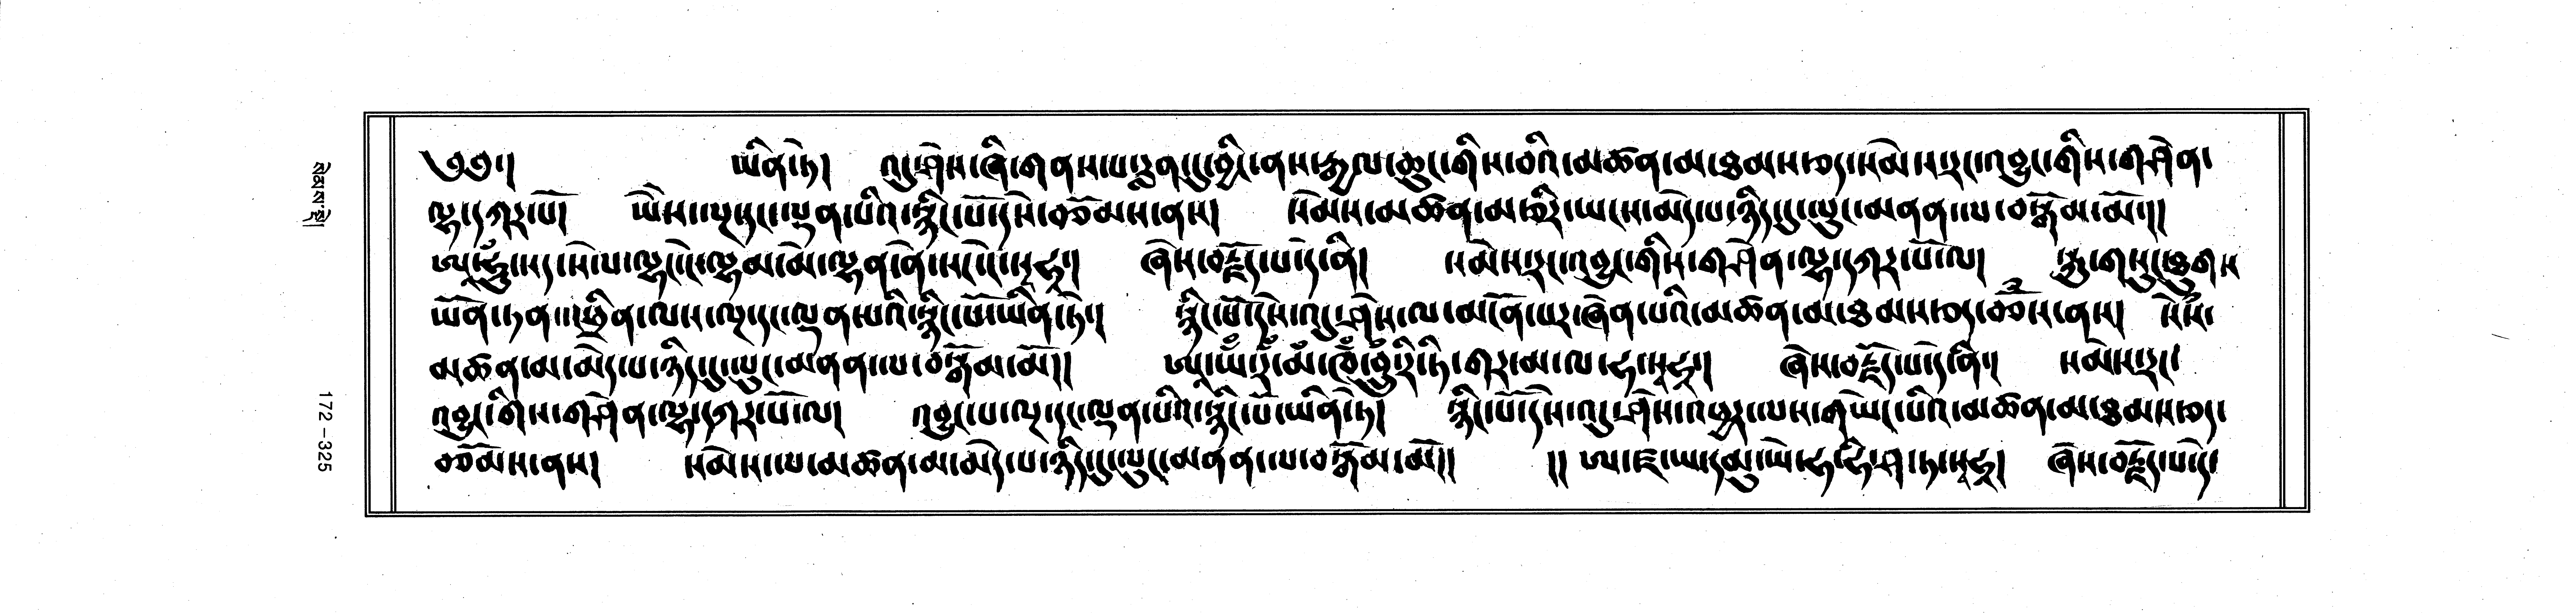ཡིན་ཏེ། འདུ་ཤེས་ཞི་གནས་པ་རླན་དུ་བྱིང་ནས་རྒྱལ་ཆུང་གིས་བའི་མཚན་མ་ཐམས་ཅད་སེམས་རང་འབྱུང་གིས་གཤེན་
ལྷ་དཀར་པོ། ཡེ་ཤེས་ལྔ་དང་ལྡན་པའི་སྙིང་པོ་དེས་བཅོམས་ནས། སེམས་མཚན་མ་ཅིར་ཡང་མེད་པ་ཉིད་དུ་ལུང་མནན་ལ་བསྒོམ་མོ། 
ཨཱ་ཧཱུྃ་སད་སལེ་ལྷང་ངེ་ལྷམ་མེ་ལྷན་ནེ་སང་ངེ་སྭཧཱ། ཞེས་བརྗོད་པ་དེ་ནི། སེམས་རང་འབྱུང་གིས་གཤེན་ལྷ་དཀར་པོ་ལ། སྐུ་གསུམ་ཐུགས་
ཡོན་ཏན་འཕྲིན་ལས་ལྔ་དང་ལྡན་པའི་སྙིང་པོ་ཡིན་ཏེ། སྙིང་པོ་དེས་འདུ་ཤེས་ལ་མངོན་པར་ཞེན་པའི་མཚན་མ་ཐམས་ཅད་བཅོམས་ནས། སེམས་
མཚན་མ་མེད་པ་ཉིད་དུ་ལུང་མནན་ལ་བསྒོམ་མོ། ཨཱ་ཡྃ་རྃ་མཾ་ཁྃ་བྲུཾ་རི་ཏི་གར་མ་ལ་ཧ་སྭཧཱ། ཞེས་བརྗོད་པ་དེ་ནི། སེམས་རང་
འབྱུང་གིས་གཤེན་ལྷ་དཀར་པོ་ལ། འབྱུང་པ་ལྔ་དང་ལྡན་པའི་སྙིང་པོ་ཡིན་ཏེ། སྙིང་པོ་དེས་འདུ་ཤེས་འཕྱར་ལས་གཡེང་པའི་མཚན་མ་ཐམས་ཅད་
བཅོམས་ནས། སེམས་ལ་མཚན་མ་མེད་པ་ཉིད་དུ་ལུང་མནན་ལ་བསྒོམ་མོ། ཨ་ཛ་ཡ་དམུ་ཡེ་ཧ་ཧི་ཤ་ཏ་སྭཧཱ། ཞེས་བརྗོད་པ་དེ་